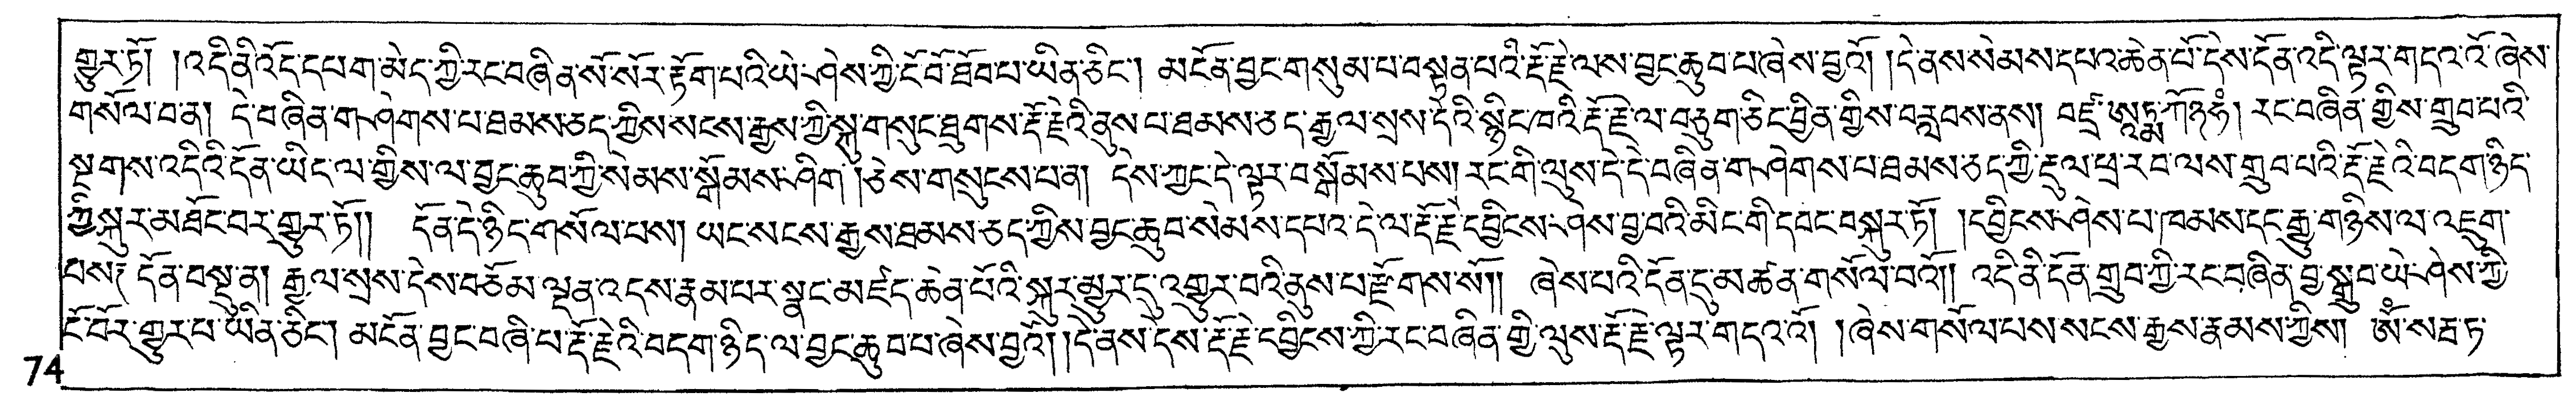གྱུར་ཏོ། །འདི་ནི་འོད་དཔག་མེད་ཀྱི་རང་བཞིན་སོ་སོར་རྟོག་པའི་ཡེ་ཤེས་ཀྱི་ངོ་བོ་ཐོབ་པ་ཡིན་ཅིང་། མངོན་བྱང་གསུམ་པ་བསྟན་པའི་རྡོ་རྗེ་ལས་བྱང་ཆུབ་པ་ཞེས་བྱའོ། །དེ་ནས་སེམས་དཔའ་ཆེན་པོ་དེས་དོན་འདི་ལྟར་གདའ་འོ་ཞེས་
གསོལ་བ་ན། དེ་བཞིན་གཤེགས་པ་ཐམས་ཅད་ཀྱིས་སངས་རྒྱས་ཀྱི་སྐུ་གསུང་ཐུགས་རྡོ་རྗེའི་ནུས་པ་ཐམས་ཅད་རྒྱལ་སྲས་དེའི་སྙིང་ཁའི་རྡོ་རྗེ་ལ་བཅུག་ཅིང་བྱིན་གྱིས་བརླབས་ནས། བཛྲ་ཨཱཏྨ་ཀོ་ཉ་ཧཾ། རང་བཞིན་གྱིས་གྲུབ་པའི་
སྔགས་འདིའི་དོན་ཡིད་ལ་གྱིས་ལ་བྱང་ཆུབ་ཀྱི་སེམས་སྒོམས་ཤིག །ཅེས་གསུངས་པ་ན། དེས་ཀྱང་དེ་ལྟར་བསྒོམས་པས། རང་གི་ལུས་དེ་དེ་བཞིན་གཤེགས་པ་ཐམས་ཅད་ཀྱི་རྡུལ་ཕྲ་རབ་ལས་གྲུབ་པའི་རྡོ་རྗེའི་བདག་ཉིད་
ཀྱི་སྐུར་མཐོང་བར་གྱུར་ཏོ། །དོན་དེ་ཉིད་གསོལ་པས། ཡང་སངས་རྒྱས་ཐམས་ཅད་ཀྱིས་བྱང་ཆུབ་སེམས་དཔའ་དེ་ལ་རྡོ་རྗེ་དབྱིངས་ཤེས་བྱ་བའི་མིང་གི་དབང་བསྐུར་ཏོ། །དབྱིངས་ཤེས་པ་ཁམས་དང་རྒྱུ་གཉིས་ལ་འཇུག་
པས། དོན་བསྡུ་ན། རྒྱལ་སྲས་དེས་བཅོམ་ལྡན་འདས་རྣམ་པར་སྣང་མཛད་ཆེན་པོའི་སྐུར་མྱུར་དུ་འགྱུར་པའི་ནུས་པ་རྫོགས་སོ།། ཞེས་པའི་དོན་དུ་མཚན་གསོལ་བའོ། །འདི་ནི་དོན་གྲུབ་ཀྱི་རང་བཞིན་བྱ་སྒྲུབ་ཡེ་ཤེས་ཀྱི་
ངོ་བོར་གྱུར་པ་ཡིན་ཅིང་། མངོན་བྱང་བཞི་པ་རྡོ་རྗེའི་བདག་ཉིད་ལ་བྱང་ཆུབ་པ་ཞེས་བྱའོ། །དེ་ནས་དེས་རྡོ་རྗེ་དབྱིངས་ཀྱི་རང་བཞིན་གྱི་ལུས་རྡོ་རྗེ་ལྟར་གདའ་འོ། །ཞེས་གསོལ་པས་སངས་རྒྱས་རྣམས་ཀྱིས། ཨོཾ་སརྦ་ཏ་